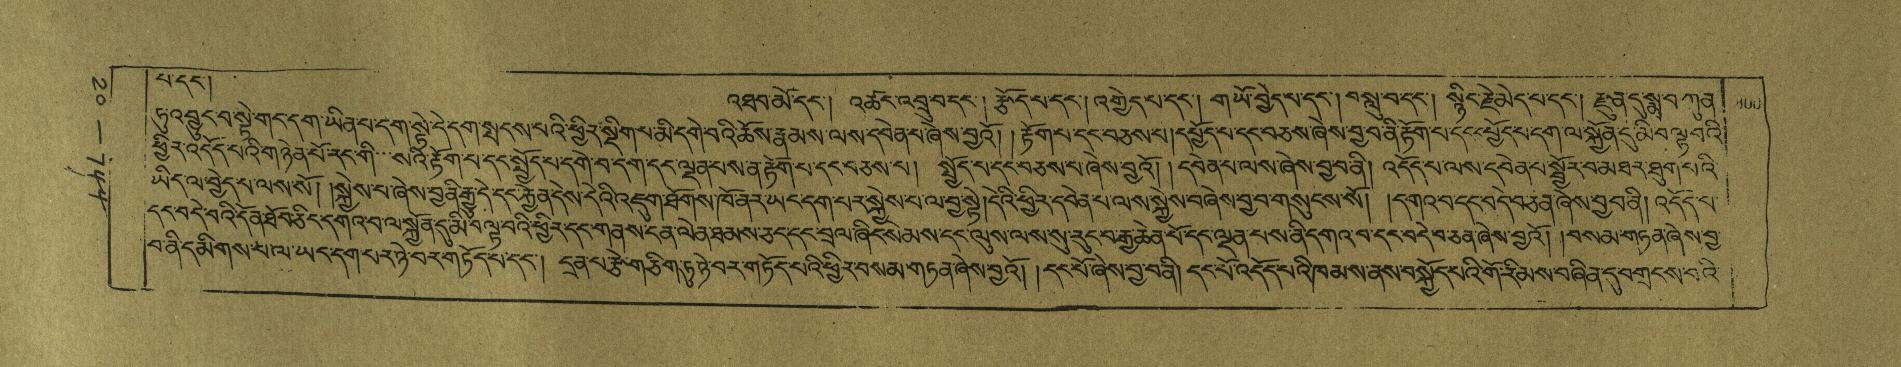པ་དང་། །འཐབ་མོ་དང་། འཚང་འབྲུ་བ་དང་། རྩོད་པ་དང་། འགྱེད་པ་དང་། གཡོ་བྱེད་པ་དང་། བསླུ་བ་དང་། སྙིང་རྗེ་མེད་པ་དང་། རྫུན་དུ་སྨྲ་བ་ཀུན་
ཏུ་འབྱུང་བ་སྟེ་གང་དག་ཡིན་པ་དག་སྟེ་དེ་དག་སྤངས་པའི་ཕྱིར་སྡིག་པ་མི་དགེ་བའི་ཆོས་རྣམས་ལས་དབེན་པ་ཞེས་བྱའོ། །རྟོགས་པ་དང་བཅས་པ། དཔྱོད་པ་དང་བཅས་ཞེས་བྱ་བ་ནི་རྟོག་པ་དང་དཔྱོད་པ་དག་ལ་སྐྱོན་དུ་མི་བལྟ་བའི་
ཕྱིར་འདོད་པའི་གཉེན་པོ་རང་གི་སའི་རྟོག་པ་དང་སྤྱོད་པ་དགེ་བ་དག་དང་ལྡན་པས་ན་རྟོག་པ་དང་བཅས་པ། སྤྱོད་པ་དང་བཅས་པ་ཞེས་བྱའོ། །དབེན་པ་ལས་ཞེས་བྱ་བ་ནི། འདོད་པ་ལས་དབེན་པ་སྦྱོར་བ་མཐར་ཐུག་པའི་
ཡིད་ལ་བྱེད་པ་ལས་སོ། །སྐྱེས་པ་ཞེས་བྱ་ནི་རྒྱུ་དེ་དང་རྐྱེན་དེས་དེའི་འཇུག་ཐོགས་ཁོ་ནར་ཡང་དག་པར་སྐྱེས་པ་ལ་བྱ་སྟེ། དེའི་ཕྱིར་དབེན་པ་ལས་སྐྱེས་བཞེས་བྱ་བ་གསུངས་སོ། །དགའ་བ་དང་བདེ་བ་ཅན་ཞེས་བྱ་བ་ནི། འདོད་པ་
དང་བདེ་བའི་དོན་ཐོབ་ཅིང་དགའ་བ་ལ་སྐྱོན་དུ་མི་བལྟ་བའི་ཕྱིར་དང་གནས་ངན་ལེན་ཐམས་ཅད་དང་བྲལ་ཞིང་སེམས་དང་ལུས་ལས་སུ་རུང་བ་རྒྱ་ཆེན་པོ་དང་ལྡན་པས་ནི་དགའ་བ་དང་བདེ་བ་ཅན་ཞེས་བྱའོ། །བསམ་གཏན་ཞེས་བྱ་
བ་ནི་དམིགས་པ་ལ་ཡང་དག་པར་ཉེ་བར་གཏོད་པ་དང་། དྲན་པ་རྩེ་གཅིག་ཏུ་ཉེ་བར་གཏོད་པའི་ཕྱིར་བསམ་གཏན་ཞེས་བྱའོ། །དང་པོ་ཞེས་བྱ་བ་ནི། དང་པོ་འདོད་པའི་ཁམས་ནས་བསྐྱོད་པའི་གོ་རིམས་བཞིན་དུ་བགྲངས་བའི་